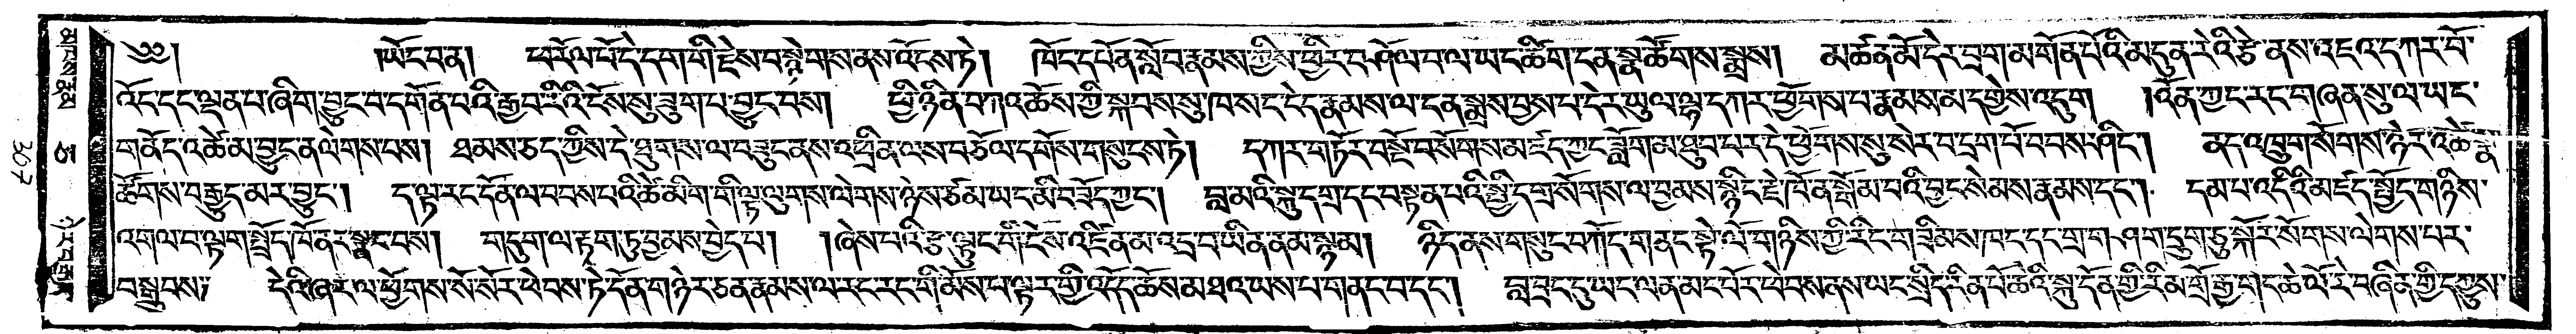༄༅། །ཡོང་བ་ན། ཕ་རོལ་པོ་དེ་དག་གི་རྗེས་བསྙེགས་ནས་འོངས་ཏེ། ཁོང་དཔོན་སློབ་རྣམས་ཀྱིས་ཕྱིར་བཤོལ་བ་ལ་ཡང་ཚིག་ངན་སྣ་ཚོགས་སྨྲས། མཚན་མོ་དེར་བྲག་མགོན་པོའི་མདུན་རེའི་རྩེ་ནས་འཇའ་དཀར་བོ་
འོད་དང་ལྡན་བ་ཞིག་བྱུང་བ་དགོན་བའི་རྒྱབ་རིའི་ངོས་སུ་ཟུག་བ་བྱུང་བས། ཕྱི་ཉིན་བཀའ་ཆོས་ཀྱི་སྐབས་སུ་ཁ་སང་ངེད་རྣམས་ལ་ངན་སྨྲས་བྱས་པ་དེར་ཡུལ་ལྷ་དཀར་ཕྱོགས་པ་རྣམས་མ་དགྱེས་འདུག །འོན་ཀྱང་རང་གཞན་སུ་ལ་ཡང་
གནོད་འཚེ་མ་བྱུང་ན་ལེགས་པས། ཐམས་ཅད་ཀྱིས་དེ་ཐུགས་ལ་བཟུང་ནས་འཕྲིན་ལས་བཅོལ་དགོས་གསུངས་ཏེ། དཀར་གཏོར་བསྔོ་བ་སོགས་མཛད་ཀྱང་ཟློག་མ་ཐུབ་བར་དེ་ཕྱོགས་སུ་སེར་བ་དྲག་པོ་བབས་ཤིང་། ནད་འཁྲུག་སོགས་ཉེར་འཚེ་སྣ་
ཚོགས་བརྒྱུད་མར་བྱུང་། ད་ལྟ་རང་དོན་ལ་བབས་བའི་ཚེ་མིག་གི་ལྟ་ལུགས་ལེགས་ཉེས་ཙམ་ཡང་མི་བཟོད་ཀྱང་། བླ་མའི་སྐུ་དགྲ་དང་བསྟན་པའི་སྤྱི་དགྲ་སོགས་ལ་བྱམས་སྙིང་རྗེ་ཁོ་ན་སྒོམ་བའི་བྱང་སེམས་རྣམས་དང་། དམ་པ་འདིའི་མཛད་སྤྱོད་གཉིས་
འགལ་བ་ལྟག་སྤྲོད་ཁོ་ནང་སྣང་བས། གདུག་ལ་རྟག་ཏུ་བྱམས་བྱེད་པ། །ཞེས་པའི་རྩ་ལྟུང་གི་ངོས་འཛིན་མ་འདྲ་བ་ཡིན་ནམ་སྙམ། ཉིད་ནས་གསུང་བཀོད་གནང་སྟེ་ལོ་གཉིས་ཀྱི་རིང་གཟིམས་ཁང་དང་གྲ་གཤག་དྲུག་ཅུ་སྐོར་སོགས་ལེགས་པར་
བསྒྲུབས༑ དེའི་ཞར་ལ་ཕྱོགས་སོ་སོར་ཕེབས་ཏེ་དོན་གཉེར་ཅན་རྣམས་ལ་རང་རང་གི་མོས་པ་ལྟར་གྱི་འདོད་ཆོས་མཐའ་ཡས་པ་གནང་བ་དང་། བླ་བྲང་དུ་ཡང་ལན་མང་པོར་ཕེབས་ནས་ཡང་སྲིད་རིན་པོ་ཆེའི་སྐུ་དོན་གྱི་རིམ་གྲོ་རྒྱ་གང་ཆེ་ལོ་རེ་བཞིན་གྱི་དཀྱུས་